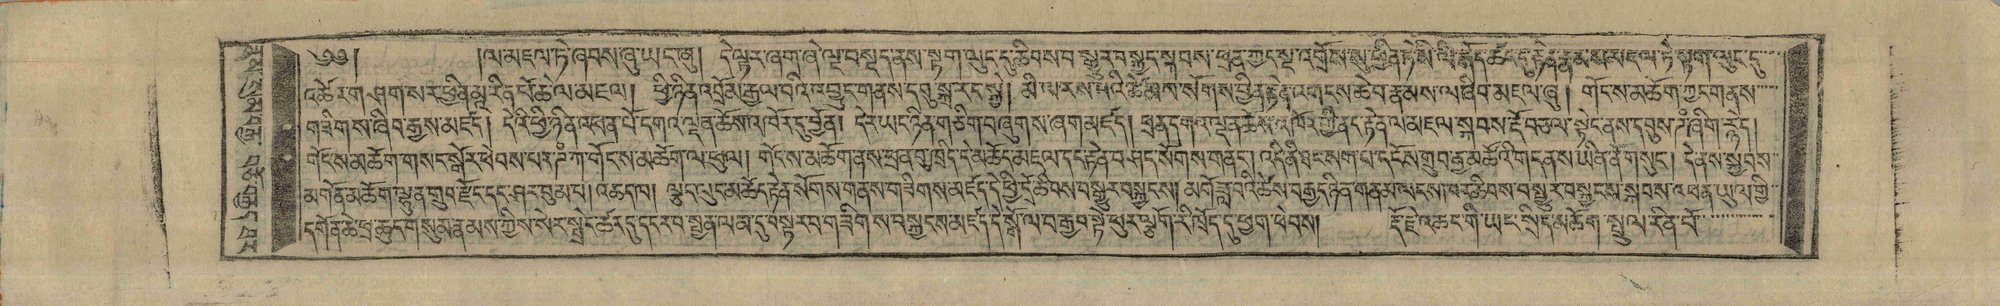༄༅། །ལ་མཇལ་ཏེ་ཞབས་ཞུ་ཡང་ཞུ། དེ་ལྟར་ཞག་ཞེ་ལྔ་བསྡད་ནས་སྟག་ལུང་དུ་ཆིབས་བསྒྱུར་བསྐྱང་སྐབས་ཕྲན་ཀྱང་སྔ་འགྲོས་སུ་ཕྱིན་ཏེ་སི་ལི་རྒོད་ཚང་དུ་རྟེན་རྣམས་མཇལ་ཏེ་སྟག་ལུང་དུ་
འཚེར་བཤག་སར་ཕྱིན་མཱ་རིན་པོ་ཆེ་ལ་མཇལ། ཕྱི་ཉིན་འབྲོམ་རྒྱལ་བའི་འབྱུང་གནས་དབུ་སྐྲ་རང་སྐྱེ། མི་ལ་རས་པའི་ཚེམས་སོགས་བྱིན་རྟེན་འགངས་ཆེ་བ་རྣམས་ལ་ཞིབ་མཇལ་ཞུ། གོང་ས་མཆོག་ཀྱང་གནས་
གཟིགས་ཞིབ་རྒྱས་མཛད། དེའི་ཕྱི་ཉིན་འཕན་པོ་དགའ་ལྡན་ཆོས་འཁོར་དུ་བྱོན། དེར་ཡང་ཉིན་གཅིག་བཞུགས་ཞག་མཛད། ཕྲན་དགའ་ལྡན་ཆོས་འཁོར་གྱི་ནང་རྟེན་ལ་མཇལ་སྐབས་རྡོ་བཅལ་སྟེང་ནས་དབུས་ཌཾ་ཞིག་རྙེད།
གོང་ས་མཆོག་གསང་སྒོར་ཕེབས་པར་ཌཾ་ཀ་གོང་ས་མཆོག་ལ་ཕུལ། གོང་ས་མཆོག་ནས་ཕྲན་བུ་ཁྲིད་དེ་མཆོད་མཇལ་དང་རྟེན་བཤད་སོགས་གནང་། འདི་ནི་ཐང་སག་པ་དངོས་གྲུབ་རྒྱ་མཚོའི་གདན་ས་ཡིན་ནོ་གསུང་། དེ་ནས་སྐྱབས་
མགོན་མཆོག་ལྷུན་གྲུབ་རྫོང་དང་ཤར་བུམ་པ། འཆད་ཁ། ལྕང་ལུང་མཆོད་རྟེན་སོགས་གནས་གཟིགས་མཛད་དེ་ཕྱི་དྲོ་ཆིབས་བསྒྱུར་བསྐྱངས། མགོ་ཟླ་བའི་ཚེས་བརྒྱད་ཉིན་གནམ་ལངས་ཁར་ཆིབས་བསྒྱུར་བསྐྱངས་སྐབས་འཕན་ཡུལ་གྱི་
དགོན་ཆེ་ཕྲ་ཆུང་གསུམ་རྣམས་ཀྱིས་སེར་སྤྲེང་ཚར་དུ་དང་ར་བ་སྤྱན་ལམ་དུ་བསྟར་བ་གཟིགས་བསྐྱངས་མཛད་དེ་སྒོ་ལ་བརྒྱབ་སྟེ་ཕུར་ལྕོག་རི་ཁྲོད་དུ་ཕྱག་ཕེབས། རྡོ་རྗེ་འཆང་གི་ཡང་སྲིད་མཆོག་སྤྲུལ་རིན་པོ་